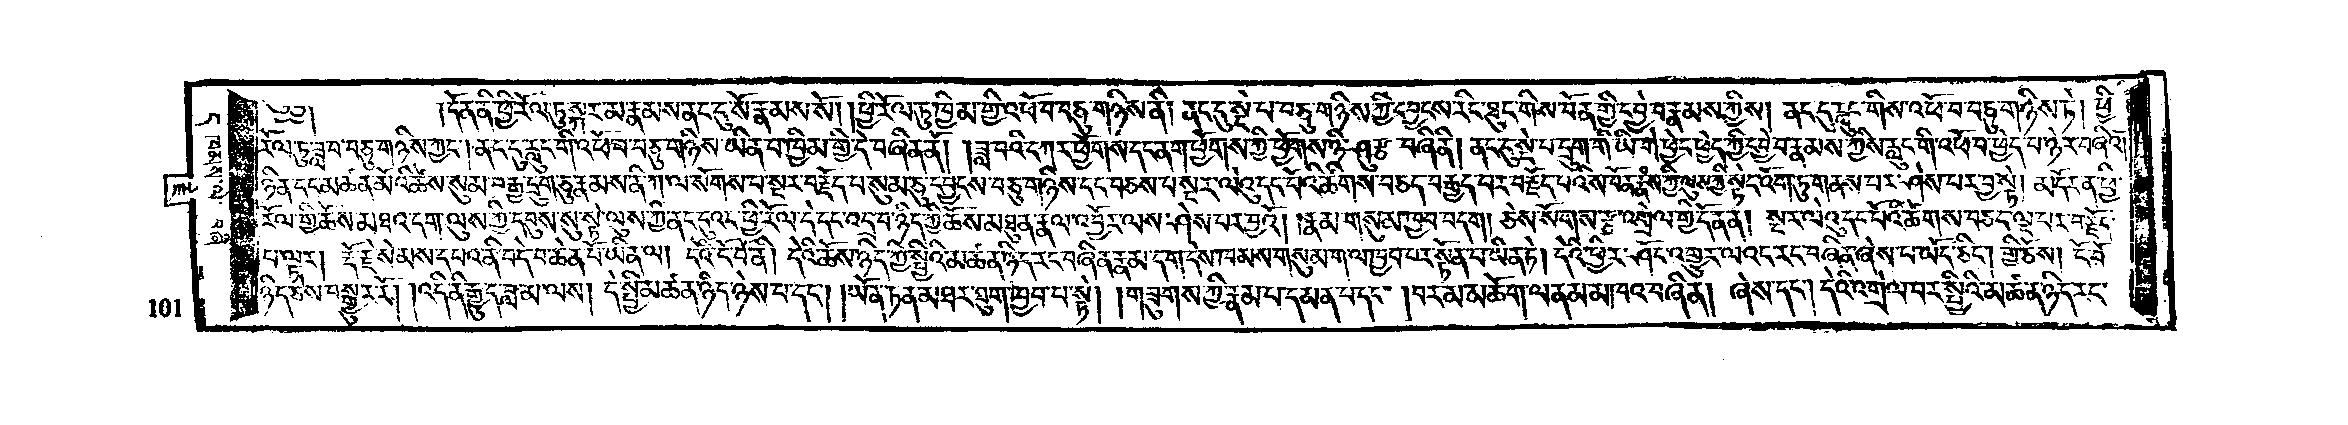༄༅། །དོན་ནི་ཕྱི་རོལ་ཏུ་སྐར་མ་རྣམས་ནང་དུ་སོ་རྣམས་སོ། །ཕྱི་རོལ་ཏུ་ཁྱིམ་གྱི་འཕོ་བ་བཅུ་གཉིས་ནི། ནང་དུ་སྡེ་པ་བཅུ་གཉིས་ཀྱི་དབྱངས་རིང་ཐུང་གི་ས་བོན་གྱི་དབྱེ་བ་རྣམས་ཀྱིས། ནང་དུ་རླུང་གིས་འཕོ་བ་བཅུ་གཉིས་ཏེ། ཕྱི་
རོལ་ཏུ་ཟླ་བ་བཅུ་གཉིས་ཀྱང་། ནང་དུ་རླུང་གི་འཕོ་བ་བཅུ་གཉིས་ཡིན་པ་ཁྱིམ་གྱི་དེ་བཞིན་ནོ། །ཟླ་བའི་དཀར་ཕྱོགས་དང་ནག་ཕྱོགས་ཀྱི་ཕྱོགས་ཉི་ཤུ་རྩ་བཞི་ནི། ནང་དུ་སྡེ་པ་དྲུག་གི་ཡི་གེ་ཕྱེང་ཕྱེད་ཀྱི་དབྱེ་བ་རྣམས་ཀྱིས་རླུང་གི་འཕོ་བ་ཕྱེད་པ་ཉེར་བཞིའོ།
ཉིན་དང་མཚན་མོའི་ཚེས་སུམ་བརྒྱ་དྲུག་ཅུ་རྣམས་ནི་ཀ་ལ་སོགས་པ་སྔར་བརྗོད་པ་སུམ་ཅུ་དབྱངས་བཅུ་གཉིས་དང་བཅས་པ་སྔར་ལེའུ་དང་པོའི་ཚིགས་བཅད་བརྒྱད་པར་བརྗོད་པའི་ས་བོན་རྣམས་ཀྱི་ལུས་ཀྱི་སྟེང་འོག་ཏུ་གནས་པར་ཤེས་པར་བྱ་སྟེ། མདོར་ན་ཕྱི་
རོལ་གྱི་ཆོས་མཐའ་དག་ལུས་ཀྱི་དབུས་སུ་སྟེ་ལུས་ཀྱི་ནང་དུའང་ཕྱི་རོལ་དེ་དང་འདྲ་བ་ཉིད་ཀྱི་ཆོས་མཐུན་རྣལ་འབྱོར་ལས་ཤེས་པར་བྱའོ། །རྣམ་གསུམ་ཁྱབ་བདག །ཅེས་སོགས་རྩ་འགྲེལ་གྱི་དོན་ན། སྔར་ལེའུ་དང་པོའི་ཚིགས་བཅད་ལྔ་པར་བརྗོད་
པ་ལྟར། རྡོ་རྗེ་སེམས་དཔའ་ནི་བདེ་བ་ཆེན་པོ་ཡིན་ལ། དེའི་ངོ་བོ་ནི། དེའི་ཆོས་ཉིད་ཀྱི་སྤྱིའི་མཚན་ཉིད་རང་བཞིན་རྣམ་དག་དེས་ཁམས་གསུམ་ག་ལ་ཁྱབ་པར་སྟོན་པ་ཡིན་ཏེ། དེའི་ཕྱིར་ཤོང་འགྱུར་ལའང་རང་བཞིན་ཞེས་པ་ཡོད་ཅིང་། གྱི་ཅོས། ངོ་བོ་
ཉིད་ཅེས་བསྒྱུར་རོ། །འདི་ནི་རྒྱུད་བླ་མ་ལས། དེ་སྤྱི་མཚན་ཉིད་ཉེས་པ་དང་། །ཡོན་ཏན་མཐར་ཐུག་ཁྱབ་པ་སྟེ། །གཟུགས་ཀྱི་རྣམ་པ་དམན་པ་དང་། བར་མ་མཆོག་ལ་ནམ་མཁའ་བཞིན། ཞེས་དང་། དེའི་འགྲེལ་བར་སྤྱིའི་མཚན་ཉིད་རང་